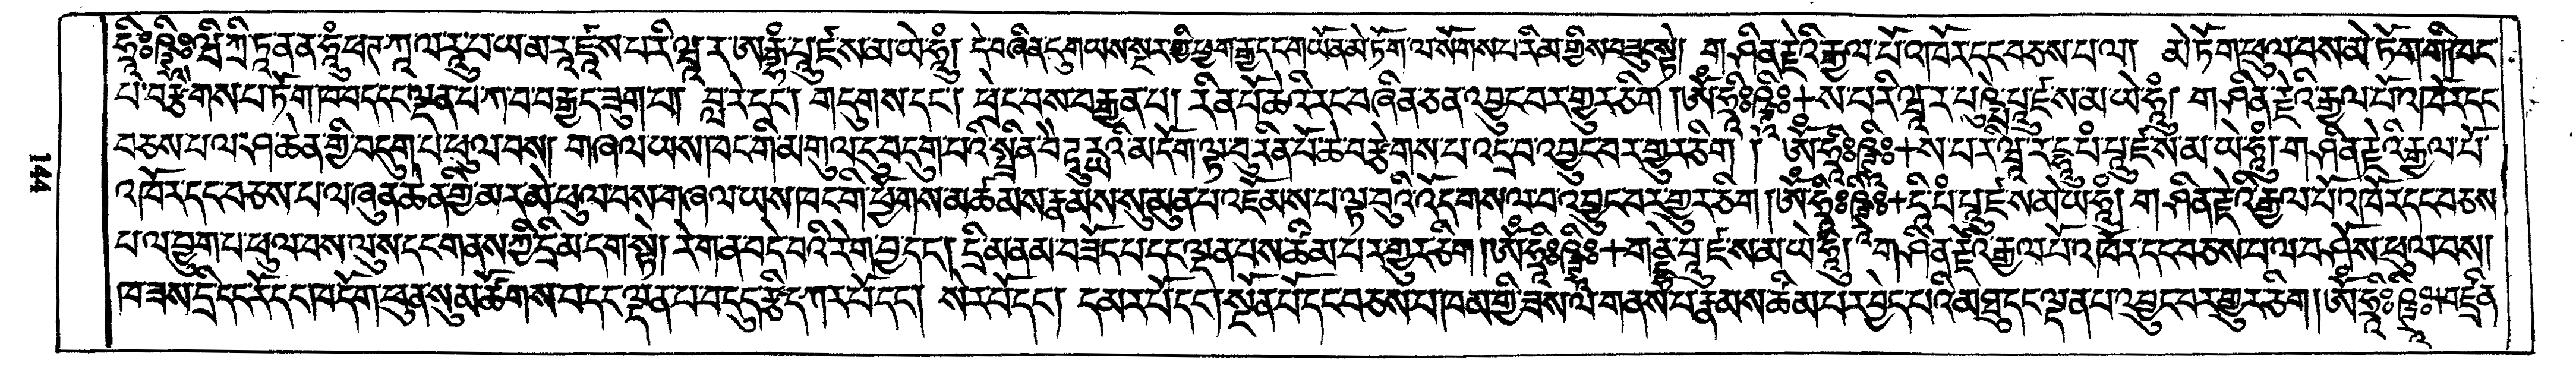ཧྲཱིཿཥྚཱིཿཝི་ཀྲི་ཏཱ་ནན་ཧཱུཾ་ཕཊ་ཀཱ་ལ་རཱུ་པ་ཡ་མ་རཱ་ཛཱ་ས་པ་རི་ཝཱ་ར་ཨརྒྷཾ་པཱུཾ་ཟ་སམ་ཡེ་ཧཱུཾ། དེ་བཞིན་དུ་གཡས་སྔར་གྱི་ཕྱག་རྒྱ་དང་གཡོན་མེ་ཏོག་ལ་སོགས་པ་རིམ་གྱིས་བཟུང་སྟེ། གཤིན་རྗེའི་རྒྱལ་པོ་འཁོར་དང་བཅས་པ་ལ། མེ་ཏོག་ཕུལ་བས་མེ་ཏོག་གི་ཁང་
པ་བརྩེགས་པ་ཏེག་ཁ་བ་དང་ལྡན་པ་ཀ་པ་བརྒྱད་ཟུག་པ། བླ་རེ་དང་། གདུགས་དང་། ཕྲེང་བས་བརྒྱན་པ། རིན་པོ་ཆེའི་རང་བཞིན་ཅན་འབྱུང་བར་གྱུར་ཅིག། ཨོཾ་ཧྲཱིཿ ཥྲཱིཿ ས་པ་རི་ཝཱ་ར་པུཥྤེ་པཱུ་ཛས་མ་ཡེ་ཧཱུཾ། གཤིན་རྗེའི་རྒྱལ་པོ་འཁོར་དང་
བཅས་པ་ལ་ཤ་ཆེན་གྱི་བདུག་པ་ཕུལ་བས། གཞལ་ཡས་ཁང་གི་མགུལ་དུ་བདུག་པའི་སྦྲིན་པཻ་ཌཱུ་རྱའི་མདོག་ལྟ་བུ་རིན་པོ་ཆེ་བརྩེགས་པ་འདྲ་བ་འབྱུང་བར་གྱུར་ཅིག། ཨོཾ་ཧྲཱིཿཥྚིཿ+ས་པ་རི་ཝཱ་ར་དྷཱུ་པཾ་པཱུ་ཛ་ས་མ་ཡེ་ཧཱུཾ། གཤིན་རྗེའི་རྒྱལ་པོ་
འཁོར་དང་བཅས་པ་ལ་ཞུན་ཆེན་གྱི་མར་མེ་ཕུལ་བས་གཞལ་ཡས་ཁྱད་ཀྱི་ཕྱོགས་མཚན་རྣམས་སུ་མུན་པ་འཇོམས་པ་ལྟ་བུའི་འོད་གསལ་བ་འབྱུང་བར་གྱུར་ཅིག། ཨོཾ་ཧྲཱིཿཥྚིཿ+དཱི་པྲཾ་པཱུ་ཛ་ས་མ་ཡ་ཧཱུཾ། གཤིན་རྗེའི་རྒྱལ་པོ་འཁོར་དང་བཅས་
པ་ལ་ཕྱུག་བ་ཕུལ་བས་ལུས་དང་གནས་ཀྱི་དྲི་མ་དག་སྟེ། རེག་ན་བདེ་བའི་རེག་བྱ་དང་། དྲི་མ་ནམ་བཟོད་པ་དང་ལྡན་པས་ཚིམ་པར་གྱུར་ཅིག། ཨོཾ་ཧྲཱིཿཥྚིཿ+གནྡྷེ་པཱུ་རྫ་ས་མ་ཡེ་ཧཱུཾ། གཤིན་རྗེའི་རྒྱལ་པོ་འཁོར་དང་བཅས་པ་ལ་བཤོས་ཕུལ་བས།
ཁ་ཟས་དྲི་དང་རོ་དང་ཁ་དོག་ཕུན་སུམ་ཚོགས་པ་དང་ལྡན་པ་བདུད་རྩི་དཀར་པོ་དང་། སེར་པོ་དང་། དམར་པོ་དང་། སྔོན་པོ་དང་བཅས་པ་ཁམ་གྱི་ཟས་ལ་གནས་པ་རྣམས་ཚིམ་པར་བྱེད་པའི་མཐུ་དང་ལྡན་པ་འབྱུང་བར་གྱུར་ཅིག། ཨོཾ་ཧྲཱིཿཥྚཱིཿ+བྫྲིན་